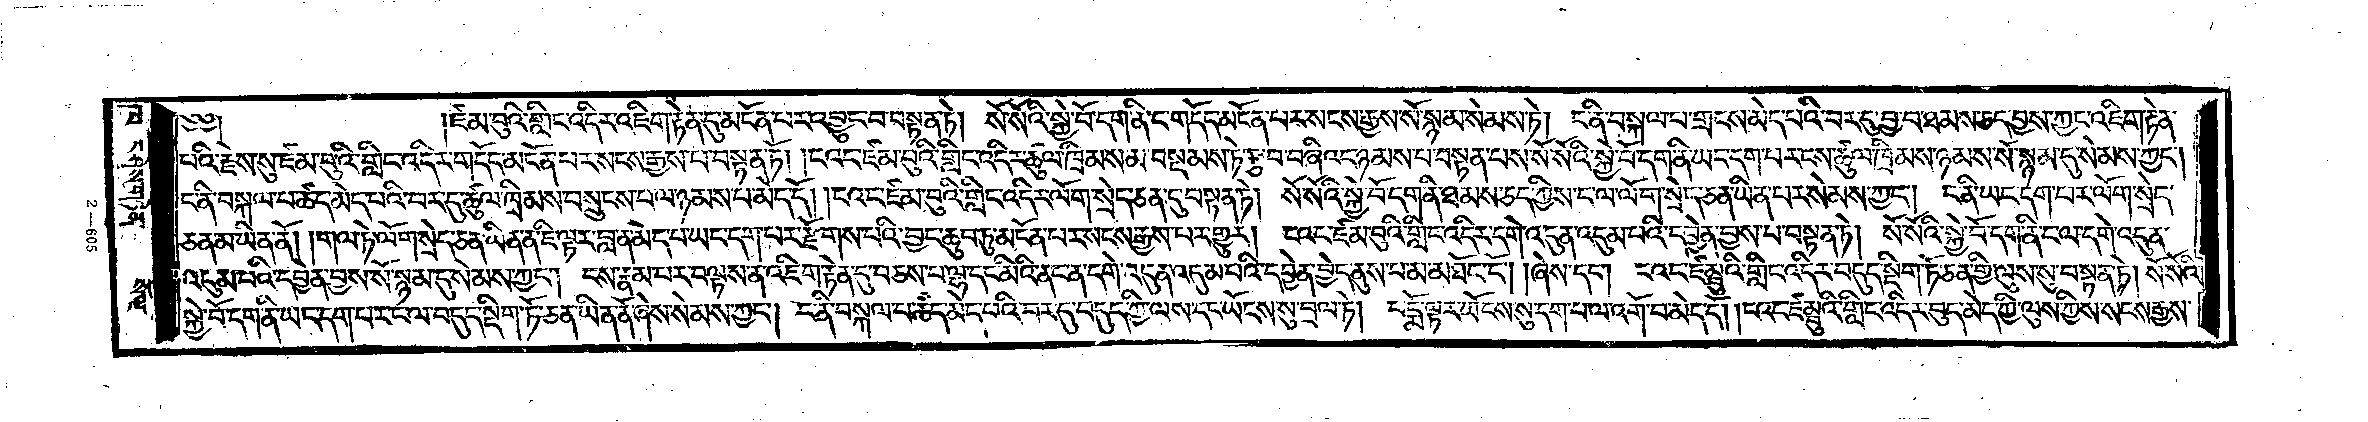༄༅། །ཛམ་བུའི་གླིང་འདིར་འཇིག་རྟེན་དུ་མངོན་པར་འབྱུང་བ་བསྟན་ཏེ། སོ་སོའི་སྐྱེ་བོ་དག་ནི་ང་གདོད་མངོན་པར་སངས་རྒྱས་སོ་སྙམ་སེམས་ཏེ། ང་ནི་བསྐལ་པ་གྲངས་མེད་པའི་བར་དུ་བྱ་བ་ཐམས་ཅད་བྱས་ཀྱང་འཇིག་རྟེན་
པའི་རྗེས་སུ་ཛམ་བུའི་གླིང་འདིར་གདོང་མངོན་པར་སངས་རྒྱས་པ་བསྟན་ཏོ། །ངའང་ཛམ་བུའི་གླིང་འདིར་ཚུལ་ཁྲིམས་མ་བསྡམས་ཏེ་རྩ་བ་བཞིའང་ཉམས་པ་བསྟན་པས་སོ་སོའི་སྐྱེ་བོ་དག་ནི་ཡང་དག་པ་ངས་ཚུལ་ཁྲིམས་ཉམས་སོ་སྙམ་དུ་སེམས་ཀྱང་།
ང་ནི་བསྐལ་པ་ཚད་མེད་པའི་བར་དུ་ཚུལ་ཁྲིམས་བསྲུངས་པ་ལ་ཉམས་པ་མེད་དོ། །ངའང་ཛམ་བུའི་གླིང་འདིར་ལོག་སྲེད་ཅན་དུ་བསྟན་ཏེ། སོ་སོའི་སྐྱེ་བོ་དག་ནི་ཐམས་ཅད་ཀྱིས་ང་ལ་ལོག་སྲེད་ཅན་ཡིན་པར་སེམས་ཀྱང་། ང་ནི་ཡང་དག་པར་ལོག་སྲེད་
ཅན་མ་ཡིན་ནོ། །གལ་ཏེ་ལོག་སྲེད་ཅན་ཡིན་ན་ཇི་ལྟར་བླ་ན་མེད་པ་ཡང་དག་པར་རྫོགས་པའི་བྱང་ཆུབ་ཏུ་མངོན་པར་སངས་རྒྱས་པར་གྱུར། ངའང་ཛམ་བུའི་གླིང་འདིར་དགེ་འདུན་འདུམ་པའི་དབྱེན་བྱས་པ་བསྟན་ཏེ། སོ་སོའི་སྐྱེ་བོ་དག་ནི་ང་ལ་དགེ་འདུན་
འདུམ་པའི་དབྱེན་བྱས་སོ་སྙམ་དུ་སེམས་ཀྱང་། ངས་རྣམ་པར་བལྟས་ན་འཇིག་རྟེན་དུ་བཅས་པ་ལྷ་དང་མིའི་ནང་ན་དགེ་འདུན་འདུམ་པའི་དབྱེན་བྱེད་ནུས་པ་མ་མཐོང་ངོ། །ཞེས་དང་། ངའང་ཛམྦུའི་གླིང་འདིར་བདུད་སྡིག་གཏོན་ཏོ་ཅན་གྱི་ལུས་སུ་བསྟན་ཏེ། སོ་སོའི་
སྐྱེ་བོ་དག་ནི་ཡང་དག་པར་ང་ལ་བདུད་སྡིག་ཏོ་ཅན་ཡིན་ནོ་ཞེས་སེམས་ཀྱང་། ང་ནི་བསྐལ་བ་ཚད་མེད་པའི་བར་དུ་བདུད་ཀྱི་ལས་དང་ཡོངས་སུ་བྲལ་ཏེ། པདམོ་ལྟར་ཡོངས་སུ་དག་པ་ལ་འགོ་བ་མེད་དོ། །ངའང་ཛམྦུའི་གླིང་འདིར་བུད་མེད་ཀྱི་ལུས་ཀྱིས་སངས་རྒྱས་